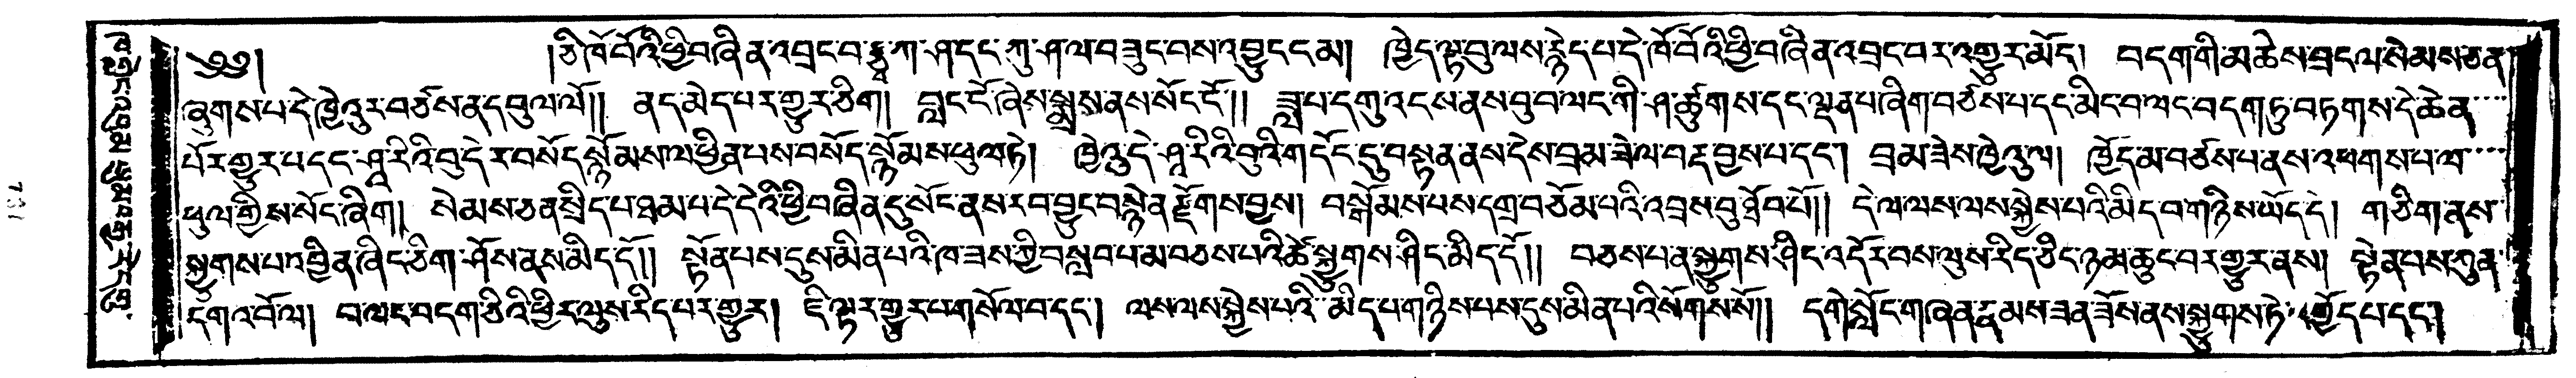༄༅། །ཅི་ཁོ་བོའི་ཕྱི་བཞིན་འབྲང་བ་རྩྭ་ཀ་ཤ་དང་ཀུ་ཤ་ལ་བཟུང་བས་འབྱུང་ངམ། ཁྱེད་ལྟ་བུ་ལས་རྙེད་པ་དེ་ཁོ་བོའི་ཕྱི་བཞིན་འབྲང་བར་འགྱུར་མོད། བདག་གི་མཆེས་བྲང་ལ་སེམས་ཅན་
ཞུགས་པ་དེ་ཁྱེའུར་བཙས་ན་དབུལ་ལོ། །ནད་མེད་པར་གྱུར་ཅིག། བླང་ངོ་ཞེས་སྨྲས་ནས་སོང་ངོ།། ཟླ་པ་དགུ་འདས་ནས་བུ་བ་ལང་གི་ཤ་ཚུགས་དང་ལྡན་པ་ཞིག་བཙས་པ་དང་མིང་བ་ལང་བདག་ཏུ་བཏགས་དེ་ཆེན་
པོར་གྱུར་པ་དང་ཤཱ་རིའི་བུ་དེར་བསོད་སྙོམས་ལ་ཕྱིན་པས་བསོད་སྙོམས་ཕུལ་ཏེ། ཁྱེའུ་དེ་ཤཱ་རིའི་བུའི་གདོང་དུ་བསྟན་ནས་དེས་བྲམ་ཟེ་ལ་བརྡ་བྱས་པ་དང་། བྲམ་ཟེས་ཁྱེའུ་ལ། ཁྱོད་མ་བཙས་པ་ནས་འཕགས་པ་ལ་
ཕུལ་གྱིས་སོང་ཞིག། སེམས་ཅན་སྲིད་པ་ཐམ་པ་དེ་དེའི་ཕྱི་བཞིན་དུ་སོང་ནས་རབ་བྱུང་བསྙེན་རྫོགས་བྱས། བསྒོམས་པས་དགྲ་བཅོམ་པའི་འབྲས་བུ་ཐོབ་པོ། །དེ་ལ་ལས་ལས་སྐྱེས་པའི་མིད་བ་གཉིས་ཡོད་དེ། གཅིག་ནས་
སྐྱུགས་པ་འབྱིན་ཞིང་ཅིག་ཤོས་ནས་མིད་དོ། །སྟོན་པས་དུས་མིན་པའི་ཁ་ཟས་ཀྱི་བསླབ་པ་མ་བཅས་པའི་ཚེ་སྐྱུགས་ཤིང་མིད་དོ། །བཅས་པ་ན་སྐྱུགས་ཤིང་འདོར་བས་ལུས་རིད་ཅིང་ཉམ་ཆུང་བར་གྱུར་ནས། སྟེན་པས་ཀུན་
དགའ་བོ་ལ། བ་ལང་བདག་ཅིའི་ཕྱིར་ལུས་རིད་པར་གྱུར། ཇི་ལྟར་གྱུར་པ་གསོལ་བ་དང་། ལས་ལས་སྐྱེས་པའི་མིད་པ་གཉིས་པས་དུས་མིན་པའི་སོགས་སོ། །དགེ་སློང་གཞན་རྣམས་ཟན་ཟོས་ནས་སྐྱུགས་ཏེ་འགྱོད་པ་དང་།